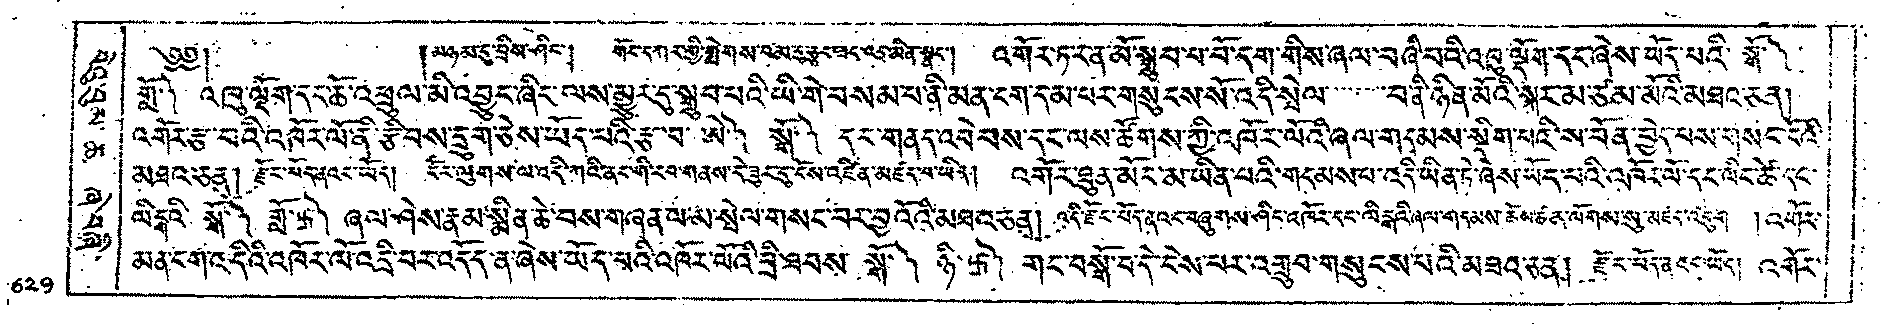༄༅། །མཉམ་དུ་བྲིས་ཤིང་། གོང་དཀར་གྱི་གླེགས་བམ་དུ་ཅུང་ཟད་འདྲ་མིན་སྣང་། འགོར་ཏ་ར་ན་མོ་སྒྲུབ་པ་པོ་དག་གིས་ཞལ་བཞི་པའི་འཁུ་ལྡོག་དང་ཞེས་ཡོད་པའི་སྒ྄ོ
གླ྄ོ་འཁུ་ལྡོག་དང་ཆོ་འཕྲུལ་མི་འབྱུང་ཞིང་ལས་མྱུར་དུ་སྒྲུབ་པའི་ཡི་གེ་བསམ་པ་ནི་མན་ངག་དམ་པར་གསུངས་སོ་འདི་སྤེལ་བ་ནི་ཉིན་མོའི་སྐར་མ་ཙམ་མོའི་མཐའ་ཅན།
འགོར་རྩ་བའི་འཁོར་ལོ་ནི་རྩིབས་དྲུག་ཅེས་ཡོད་པའི་རྩ་བ་ཨ྄ེ་སྒ྄ོ་དང་གནད་འབེབས་དང་ལས་ཚོགས་ཀྱི་འཁོར་ལོའི་ཞལ་གདམས་སྡིག་པའི་ས་བོན་བྱེད་པས་གསང་ངོའི་
མཐའ་ཅན། རྫོང་པོད་ནའང་ཡོད། ངོར་ལུགས་ལ་འདི་ཀའི་ནང་གི་རབ་གནས་དེ་ཟུར་དུ་ངོས་འཛིན་མཛད་པ་ཡིན།  འགོར་ཐུན་མོང་མ་ཡིན་པའི་གདམས་པ་འདི་ཡིན་ཏེ་ཞེས་ཡོད་པའི་འཁོར་ལོ་དང་ལིང་ཚེ་དང་
ལིངྒའི་སྒ྄ོ་གློ~྾?་ཞལ་ཤེས་རྣམ་སྨིན་ཆེ་བས་གཞན་ལ་མ་སྤེལ་གསང་བར་བྱའོའི་མཐའ་ཅན། འདི་རྫོང་པོད་ནའང་བཞུགས་ཤིང་འཁོར་དང་ལིངྒའི་ཞལ་གདམས་ཆོས་ཚན་ལོགས་སུ་མཛད་འདུག་།འགོར་
མན་ངག་འདིའི་འཁོར་ལོ་འདྲི་བར་འདོད་ན་ཞེས་ཡོད་པའི་འཁོར་ལོའི་བྲི་ཐབས་སྒ྄ོ་ཉི~྾?་གང་བསྒོ་བ་དེ་ངེས་པར་འགྲུབ་གསུངས་པའི་མཐའ་ཅན། རྫོང་པོད་ནའང་ཡོད།  འགོར་